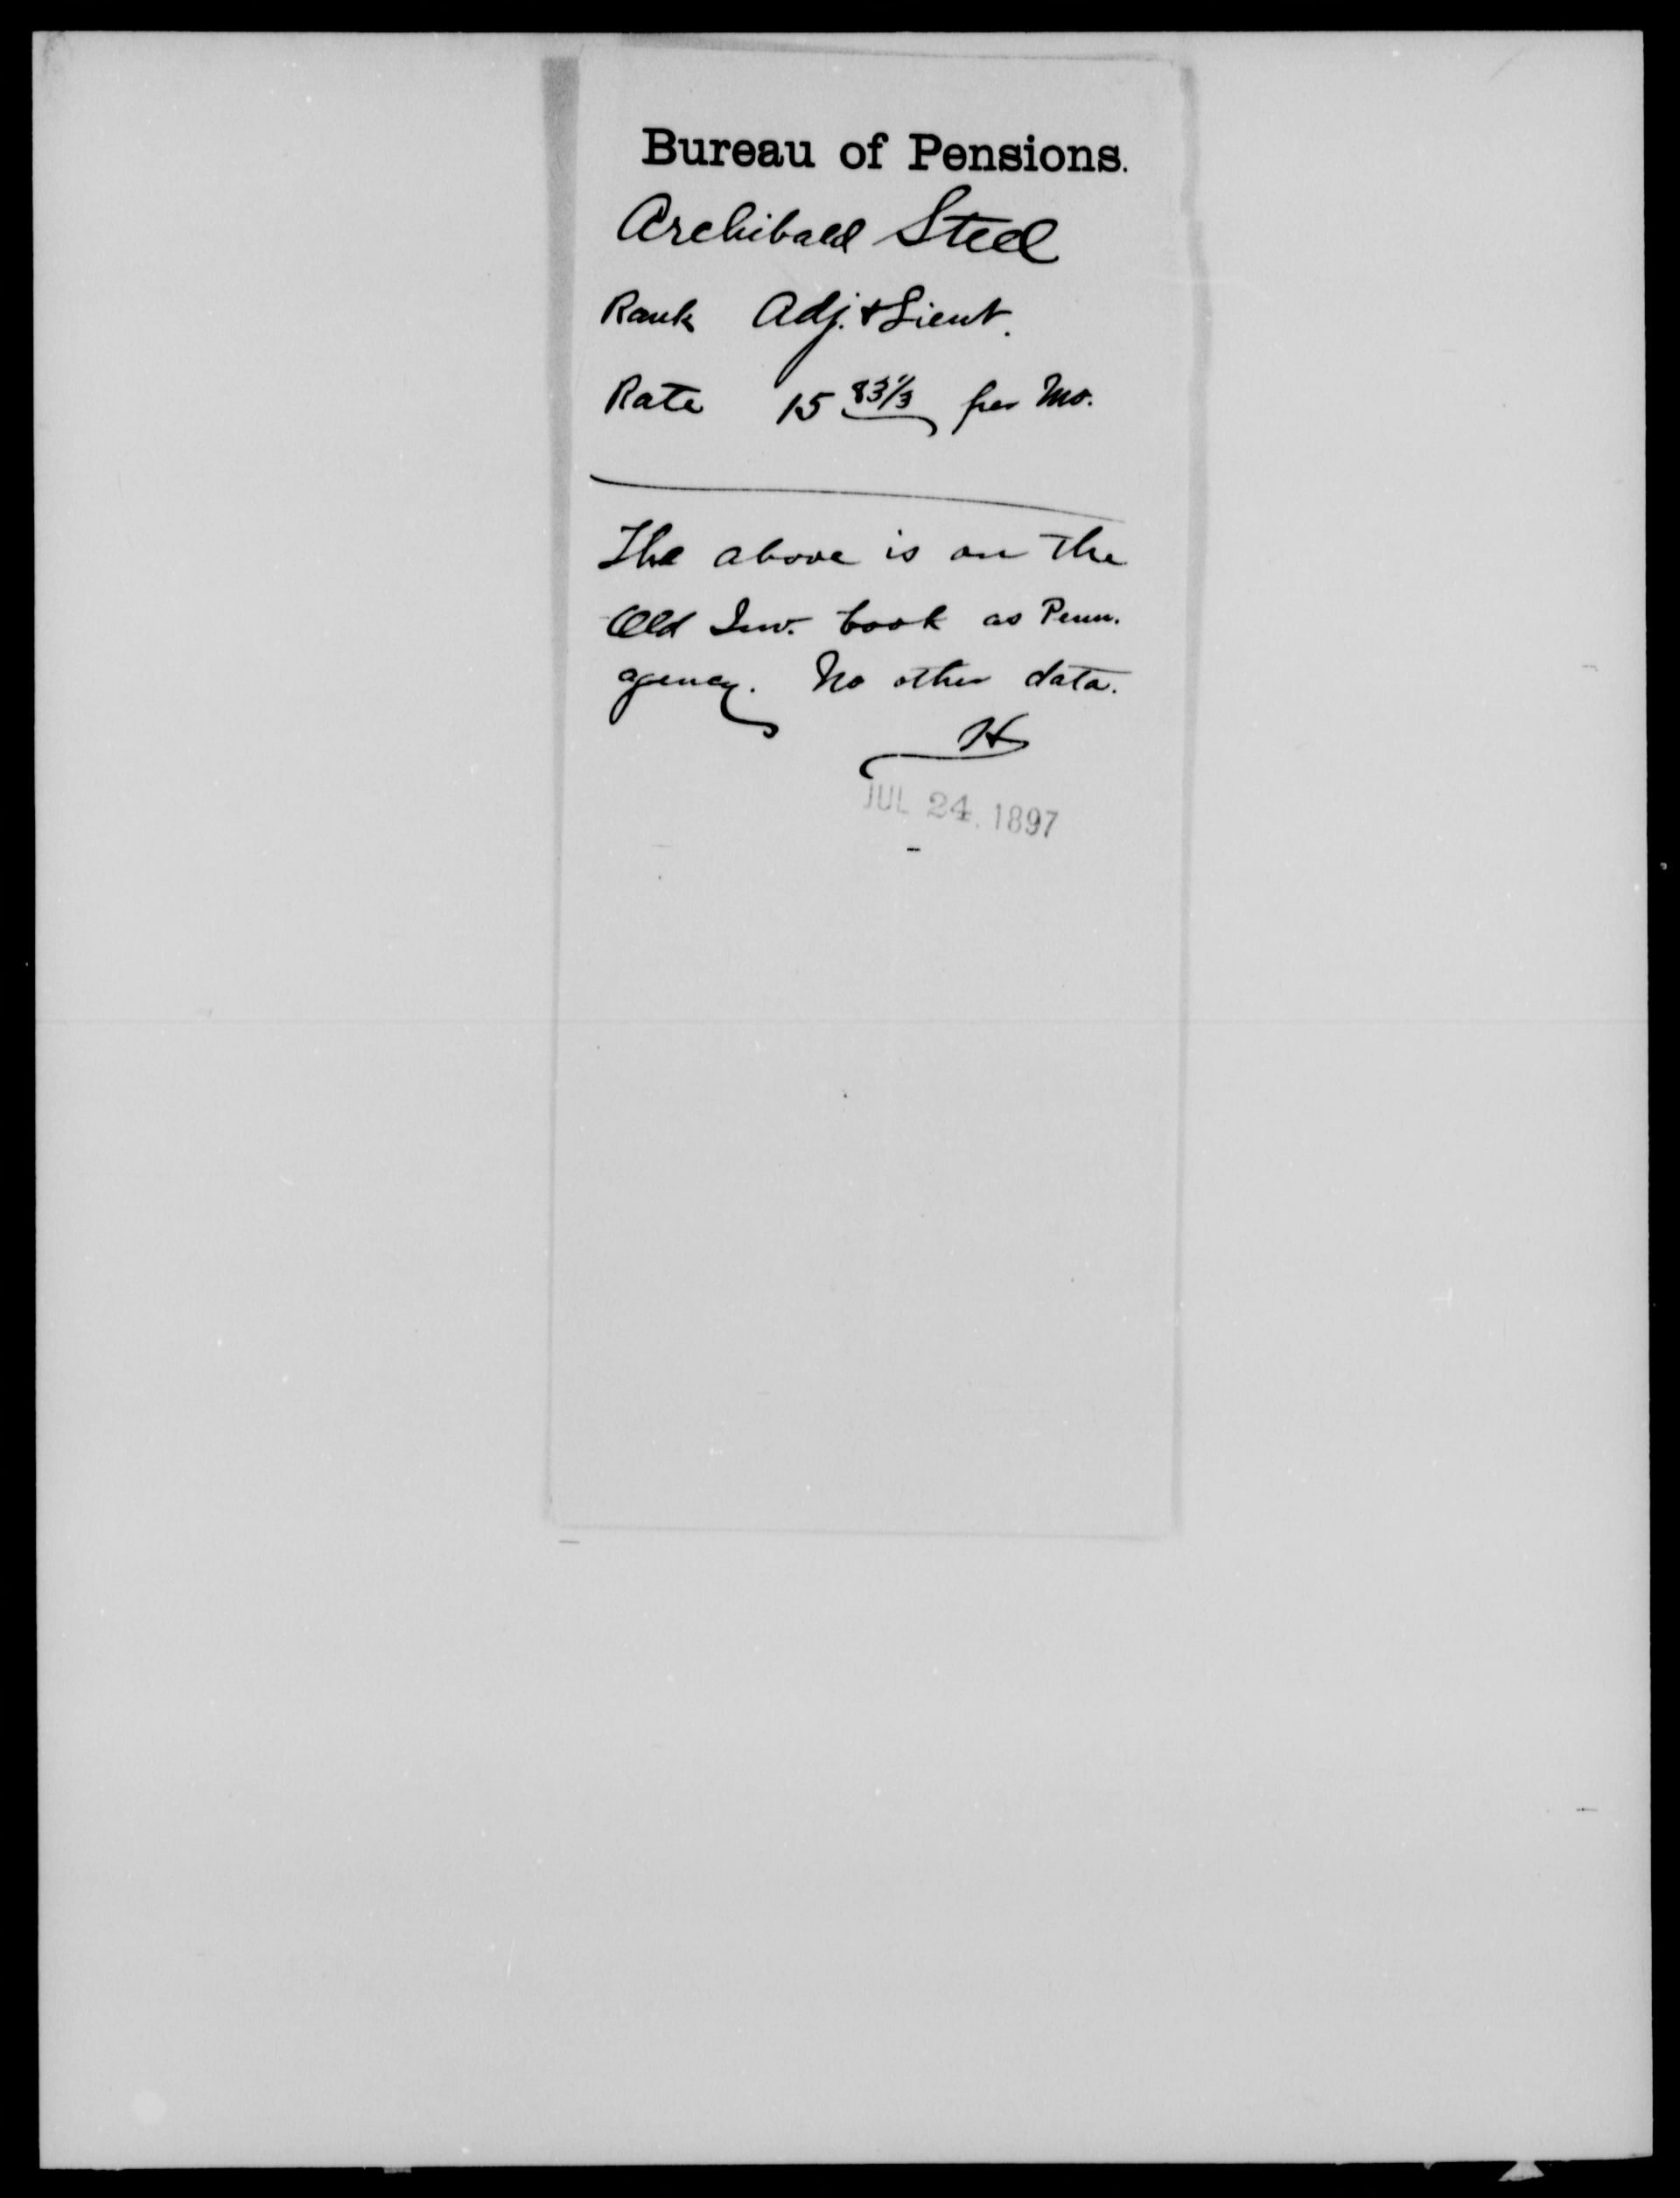Bureau of Pensions
Archibald Stell
Rank:  Adj & Lieutenant
Rate:  15.83 per month

The above is in the old Inv book as Penn agency.  No other data

(stampled July 24, 1897)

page: 23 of 28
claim: survivor's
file: S. 7601, for Archibald Steel, Pennsylvania